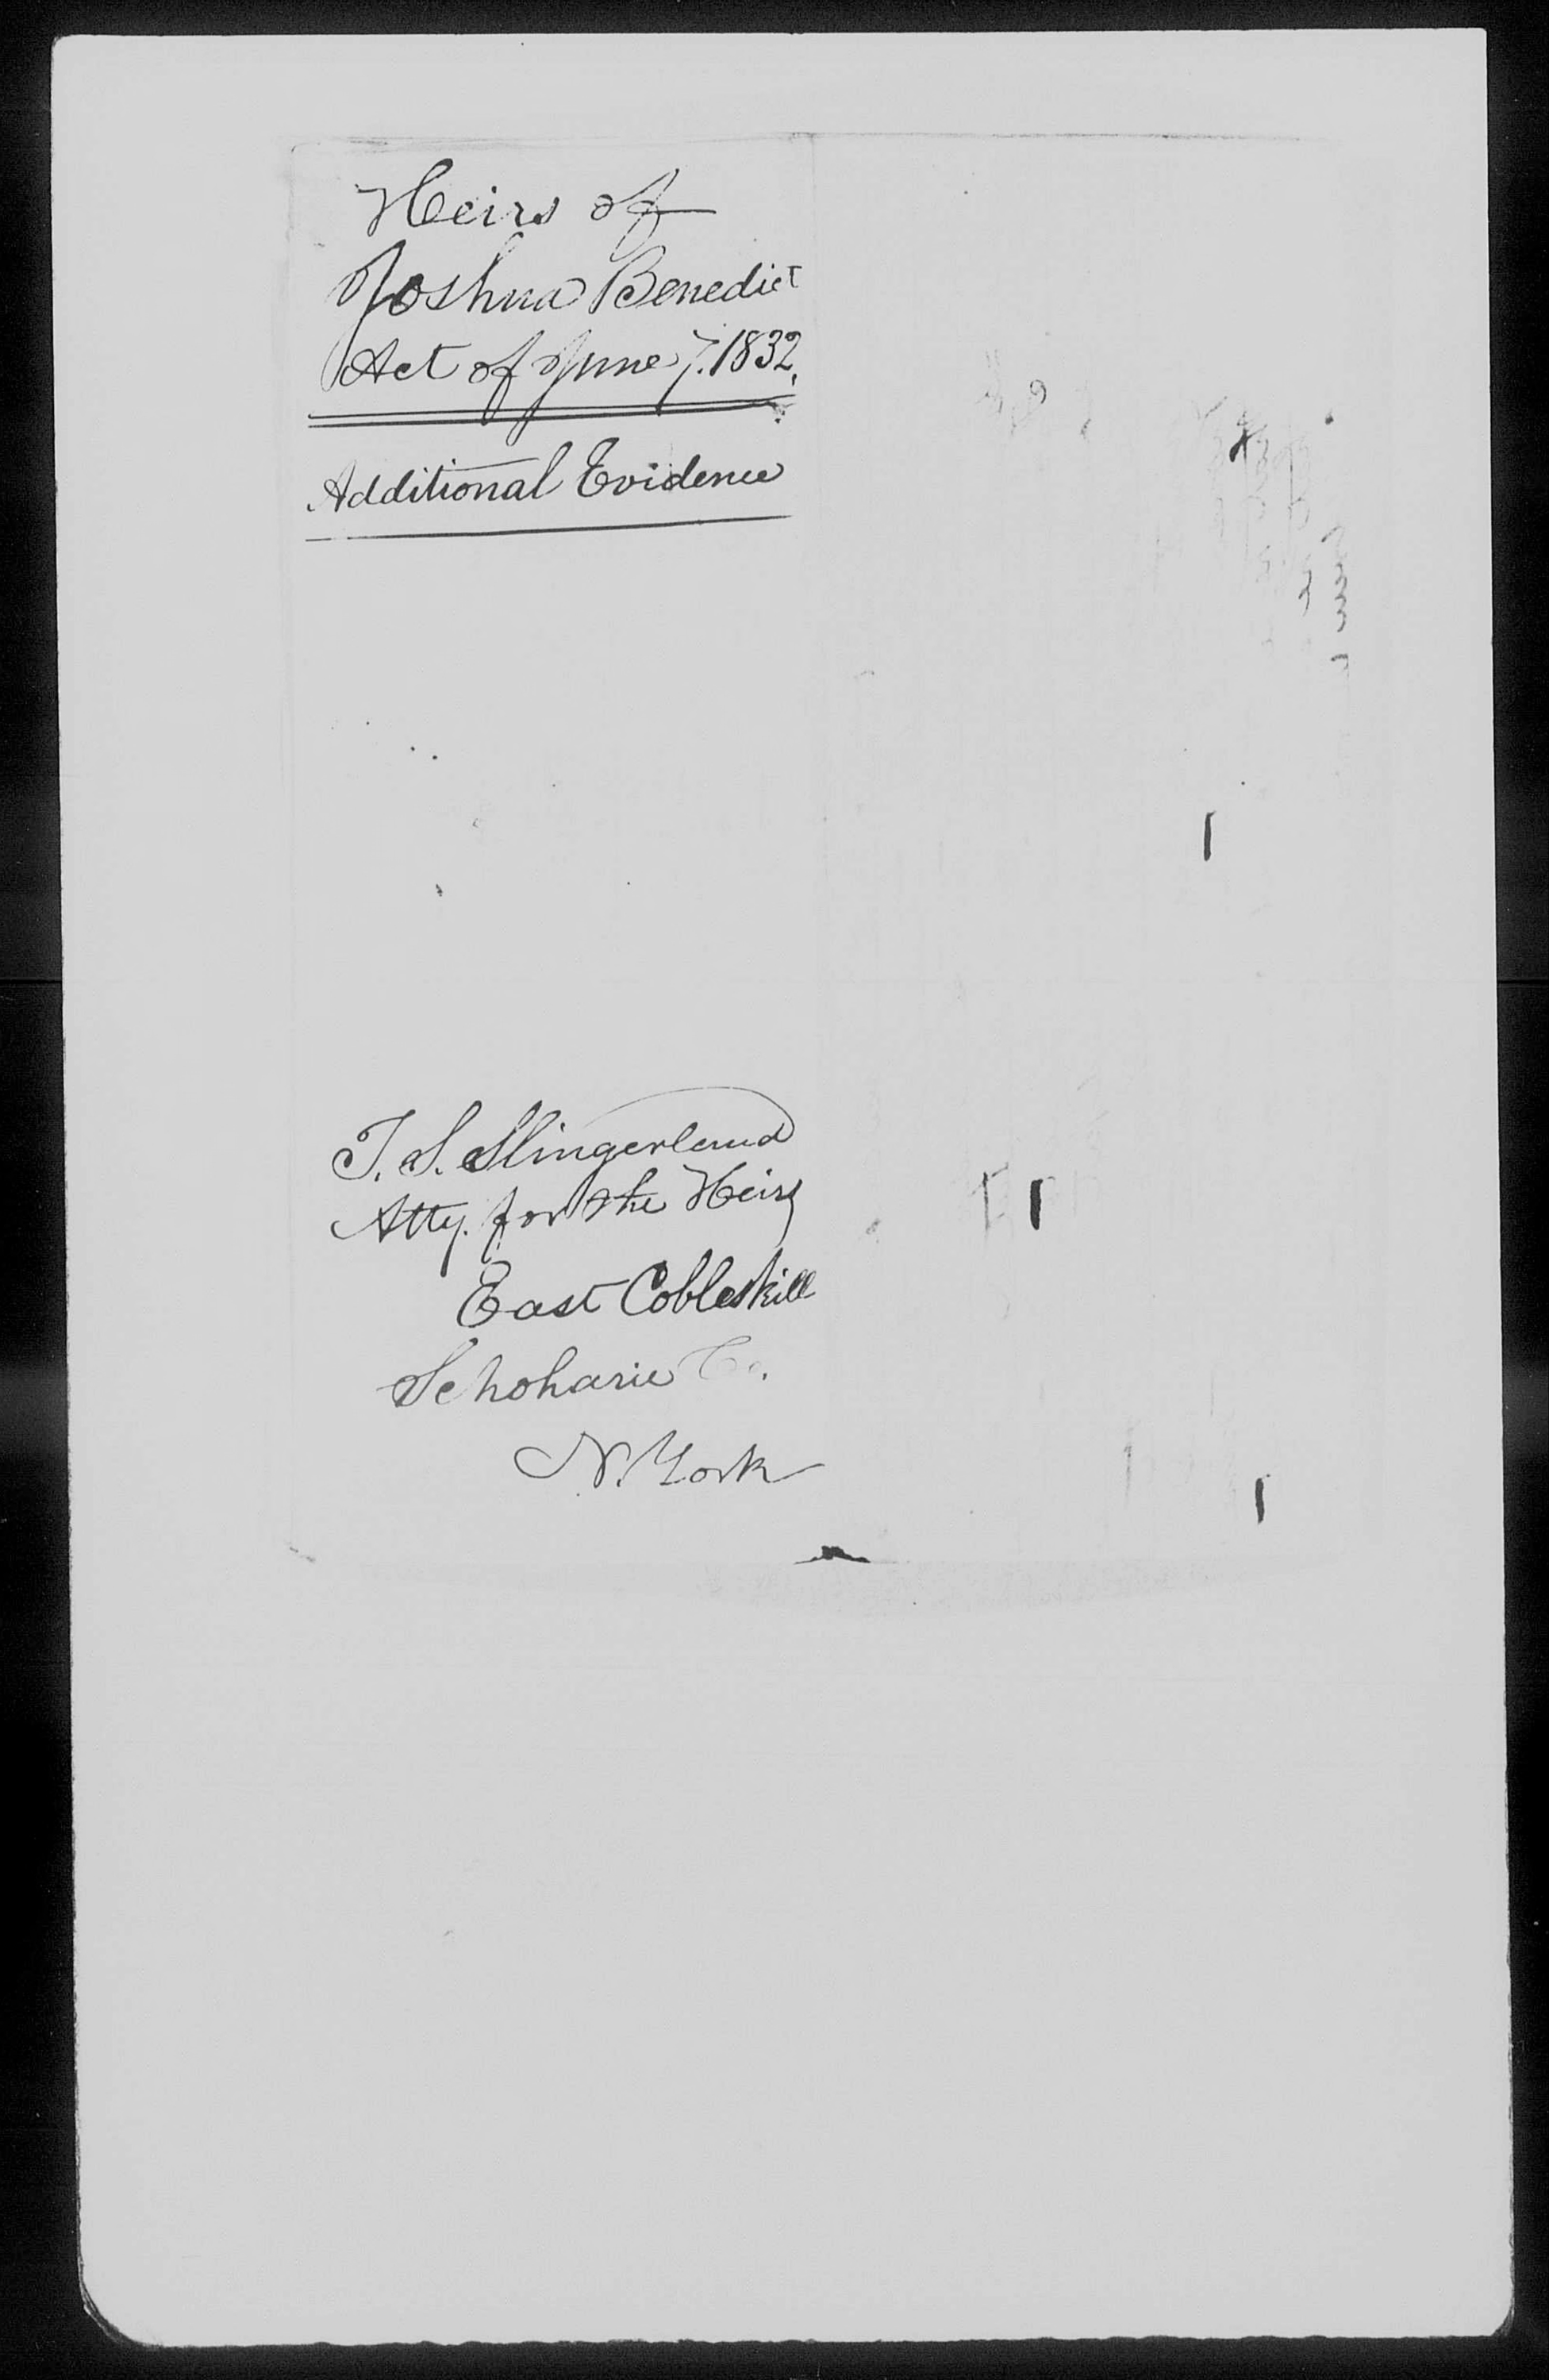Heirs of Joshua Benedict Act of June 7. 1832.

Additional Evidence

T. S. Slingerland
Atty. for the Heirs
East Cobleskill
Schoharie Co.
N.York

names: T S Slingerland, Joshua Benedict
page: 89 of 106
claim: survivor's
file: S 23,116., Joshua Benedict, Conn.